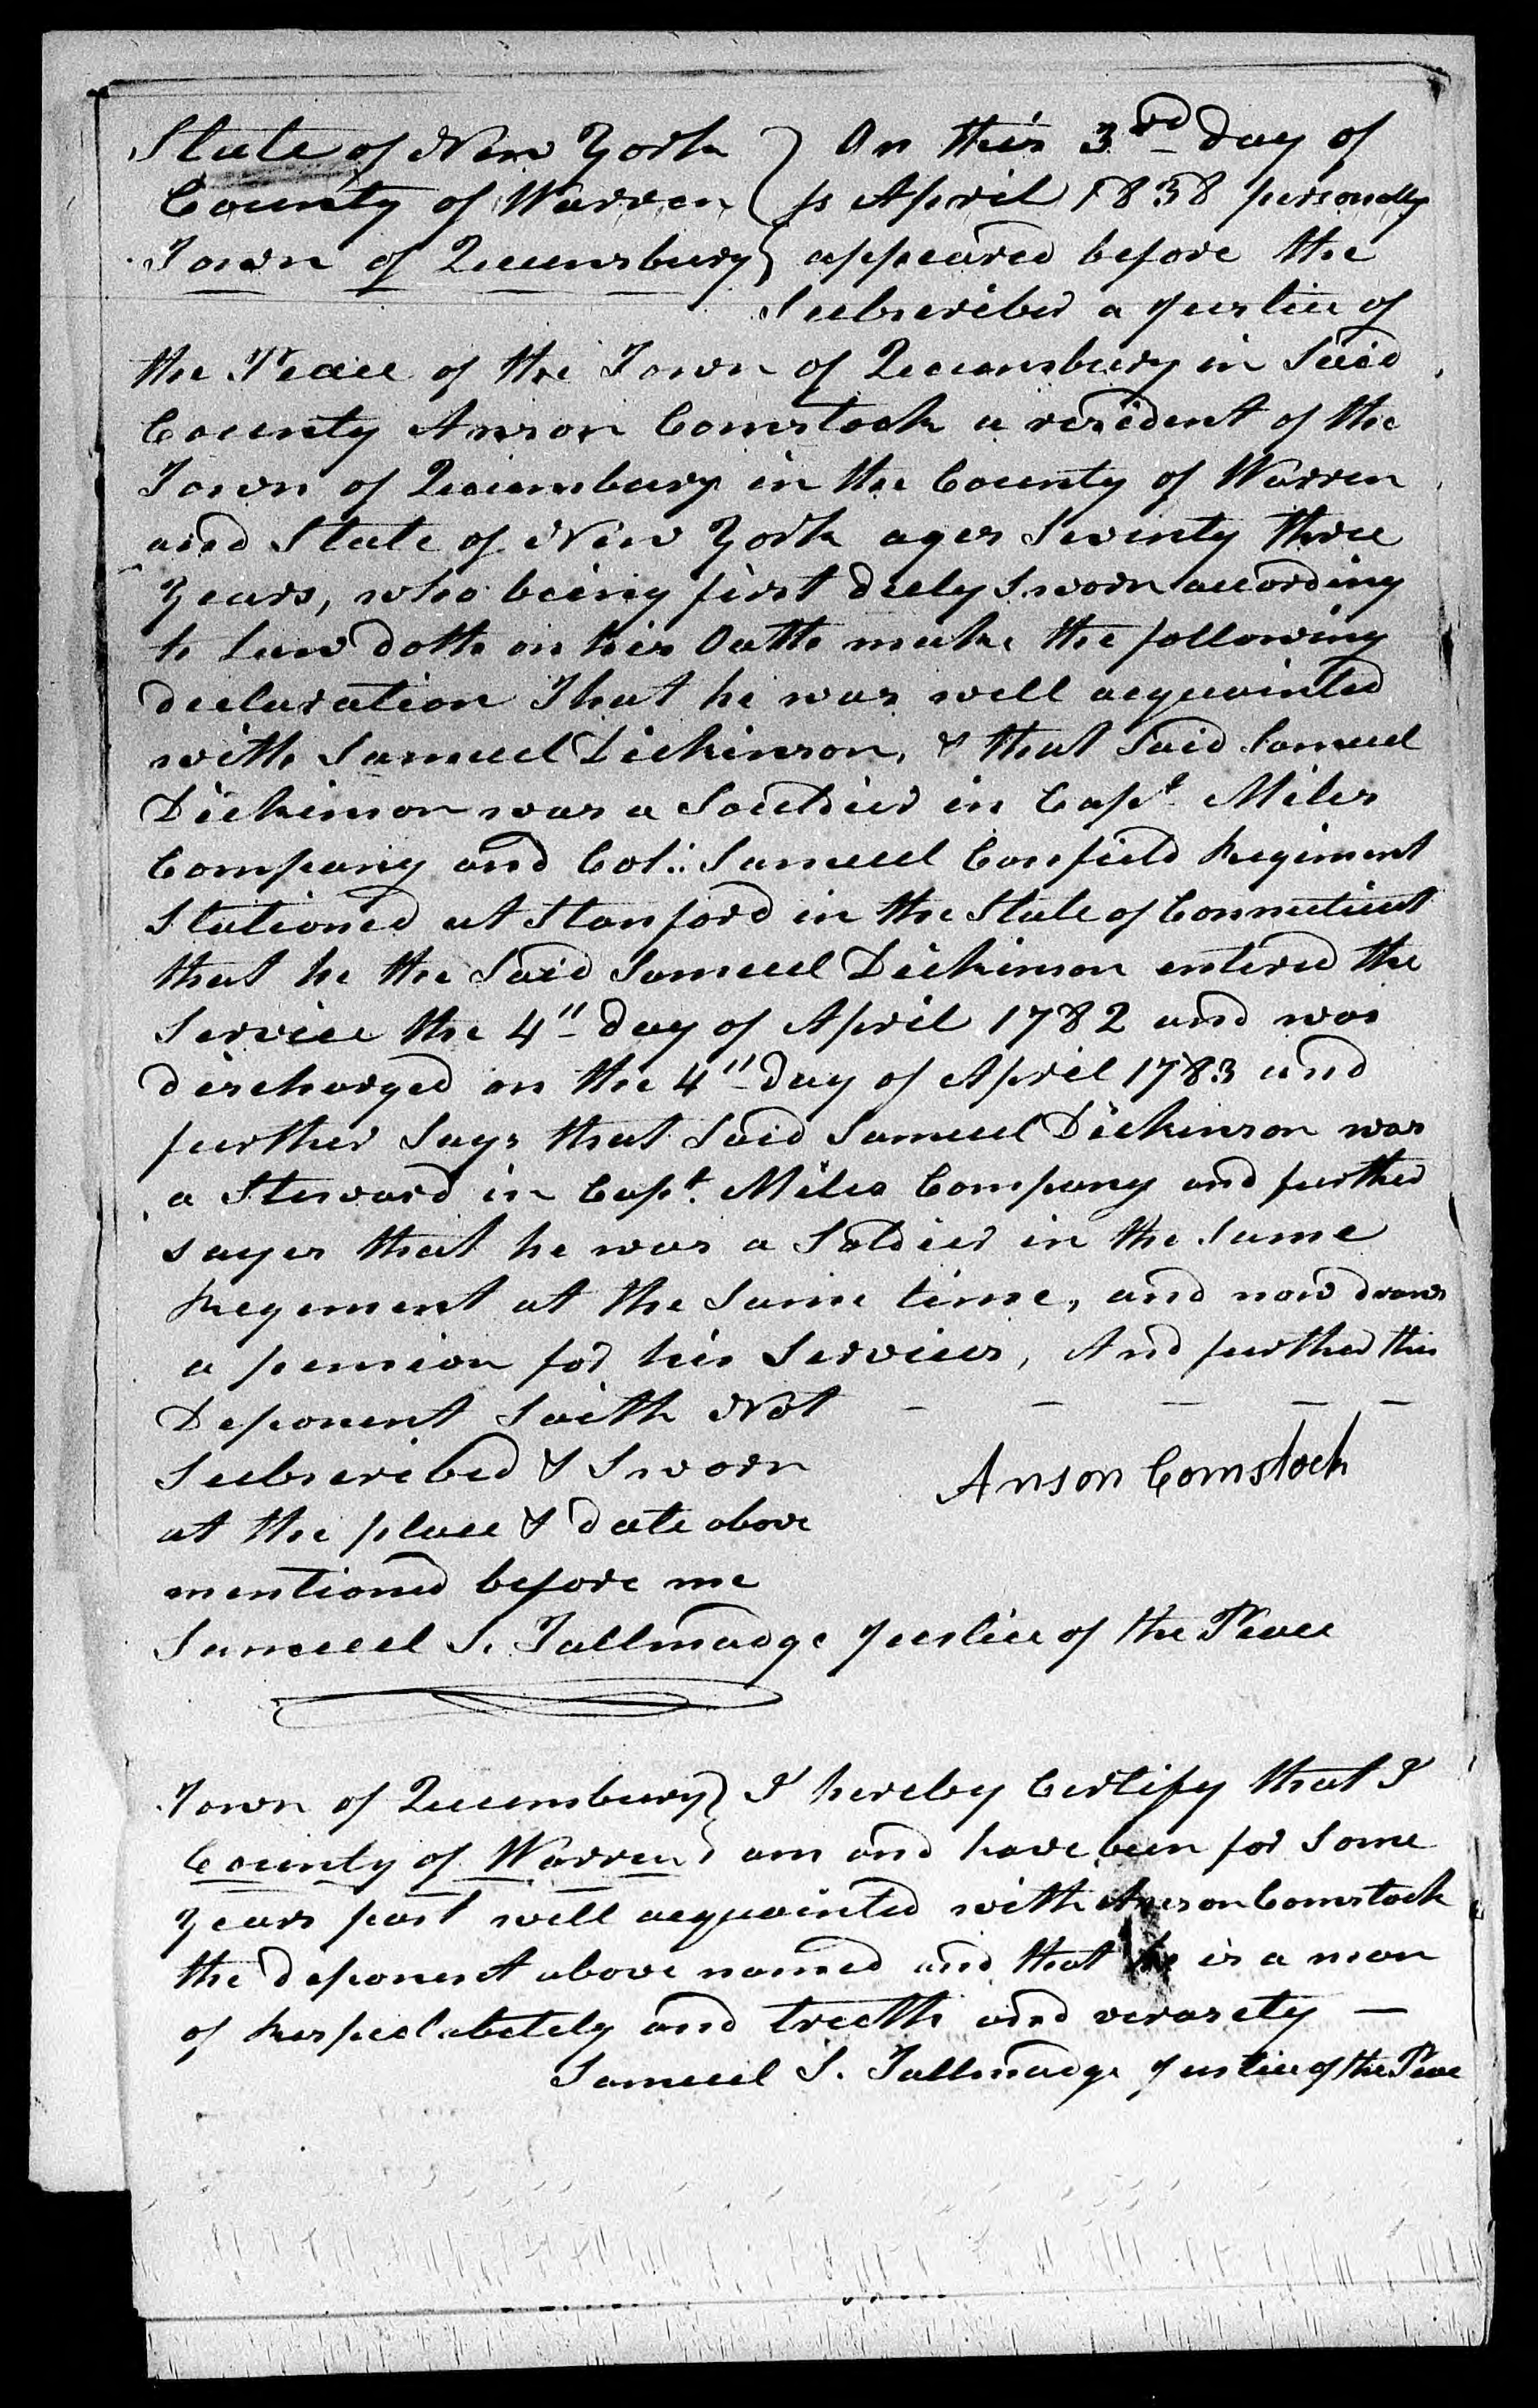State of New York
County of Warren
Town of Queensbury ss
On this 3rd day of April 1835 personally appeared before the subscribed a justice of the pease of the town of Queensbury in said county Anson Comstock a resident of the town of Queensbury in the County of Warran and State of New York aged seventy three years, who being first duly sworn according to law doth on his oath make the following declaration that he was well acquainted with Samuel Dickinson and that said Samuel Dickinson was a soldier in Capt [Captain] Miles' Company and Col. [Colonet] Samuel Co[illegible] regiment stationed at Stanford in the state of Connecticut that the said Samuel Dickinson entered the service the 4th day of April 1783 and was discharged on the 4th day of April 1783 and further says that said Samuel Dickinson was a steward in Capt [Captain] Miles company and further says that he was a soldier in the same regiment at the same time and [illegible] a pension for his services. And further this deponent saith not
[signed] Anson Comstock
Subscribed and sworn at the place and date above mentioned before me Samuel Tallmadge Justice of the Peace
Town of Queensbury
County of Warren
I hereby certify that I am and have been for some years past well acquainted with Anson Comstock the deponent above named and that he isa man of respectability and truth and veracity
Samuel S. Tallmadge Justice of the Peace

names: Samul S Tallmadge, Samuel Dickinson, Anson Comstock, Samuel S Tallmadge, Samuel Dickinson, Samuel Dickinson, Samuel Dickinson, Anson Comstock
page: 51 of 60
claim: widow's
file: W 16,955, Samuel Dickinson, Conn.